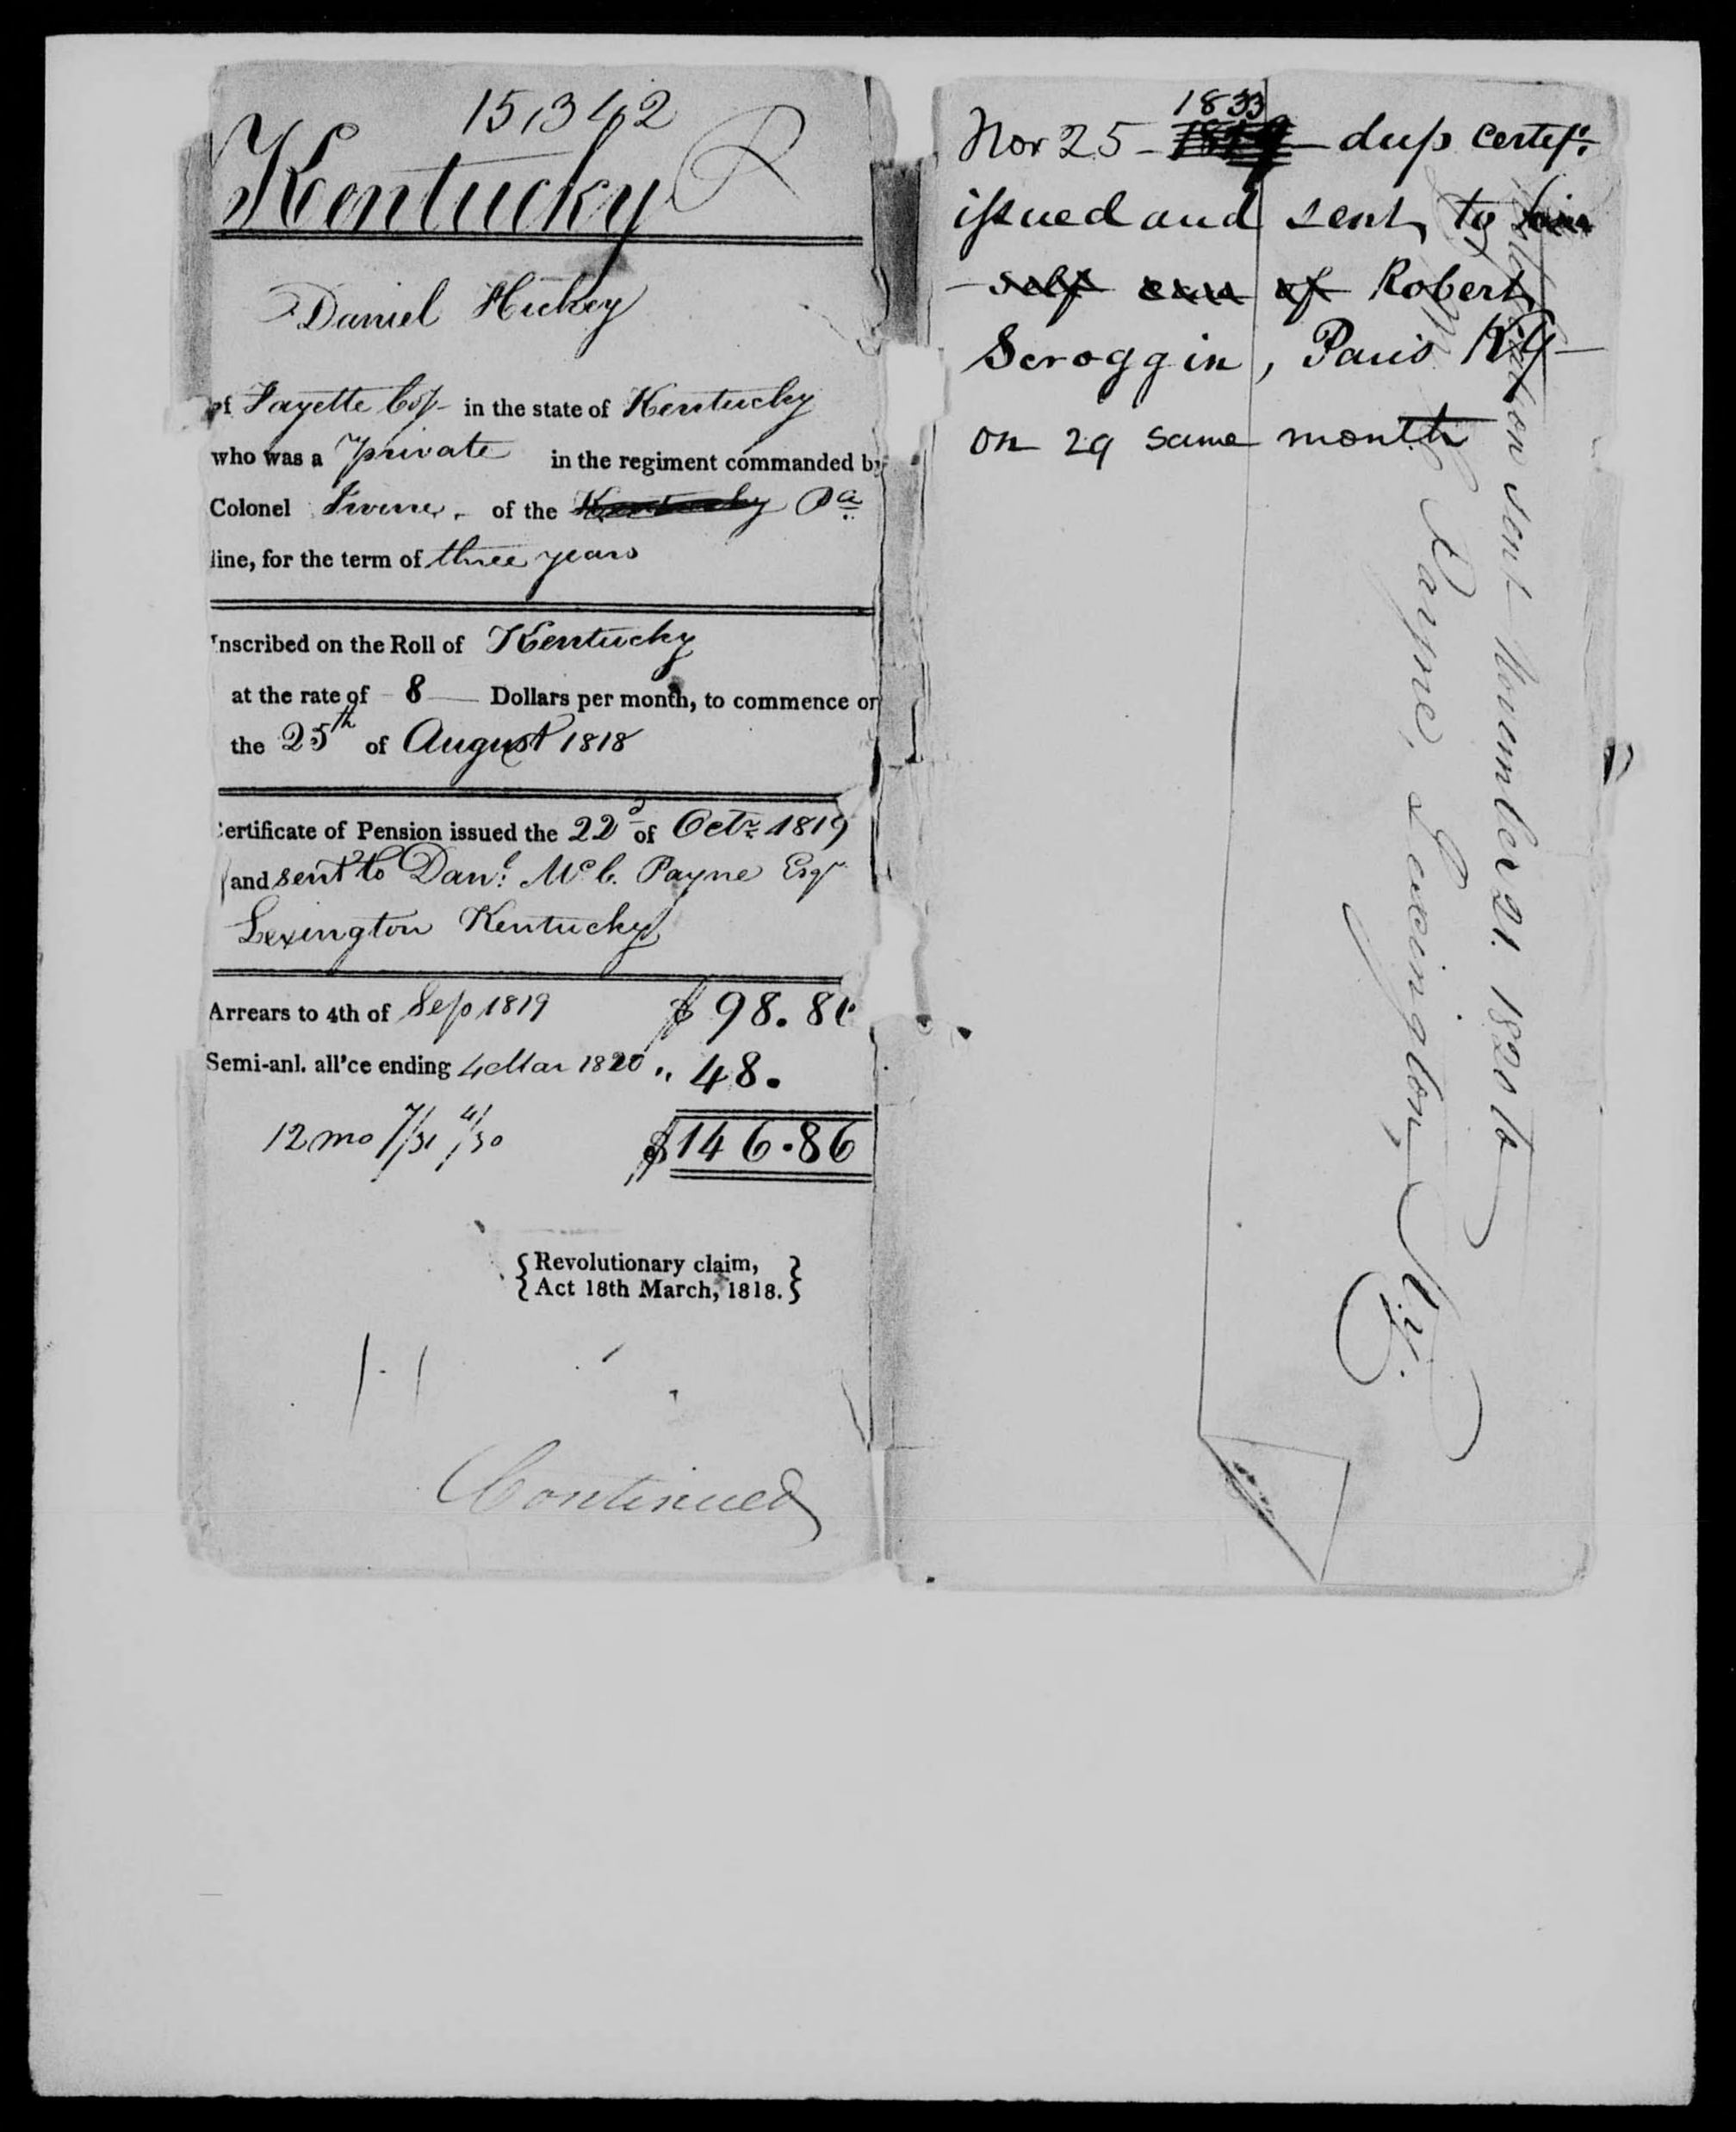[left-hand side of page]

15,342
Kentucky R [penciled in]
--------------------------------
Daniel Hickey
Fayette Co in the State of Kentucky
who was a private in the regiment commanded by Colonel Irvine of the Pa
line, for the term of three years
--------------------------------
Inscribed on the Roll of Kentucky
at the rate of 8- Dollars per month, to commence on the 25th of August 1818
--------------------------------
Certificate of Pension issued the 22d of Octr 1819
and sent to Danl Mc C. Payne Esq
Lexington Kentucky
---------------------------------
Arrears to 4th of Sep 1819 $98.86
Semi-anl. all'ce ending 4 Mar 1820 $48.
12 mo 7/31 4/30 $146.86

{Revolutionary claim,}
{Act 18th March, 1818.}
Continued
1- 1

[right-hand side of page]

Nov 25- 1833 dup certif.
issued and sent to [himself care of crossed out]
Robert Scroggin, Paris Ky-
on 29 same month
Notification sent November 21, 1820 to D. M. C. Payne, Lexington Ky.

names: Irvine, D M C Payne, Daniel Hickey, Danl Mc C Payne, Robert Scroggin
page: 3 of 84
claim: widow's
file: W. 7744, Daniel Hickey, Penn.